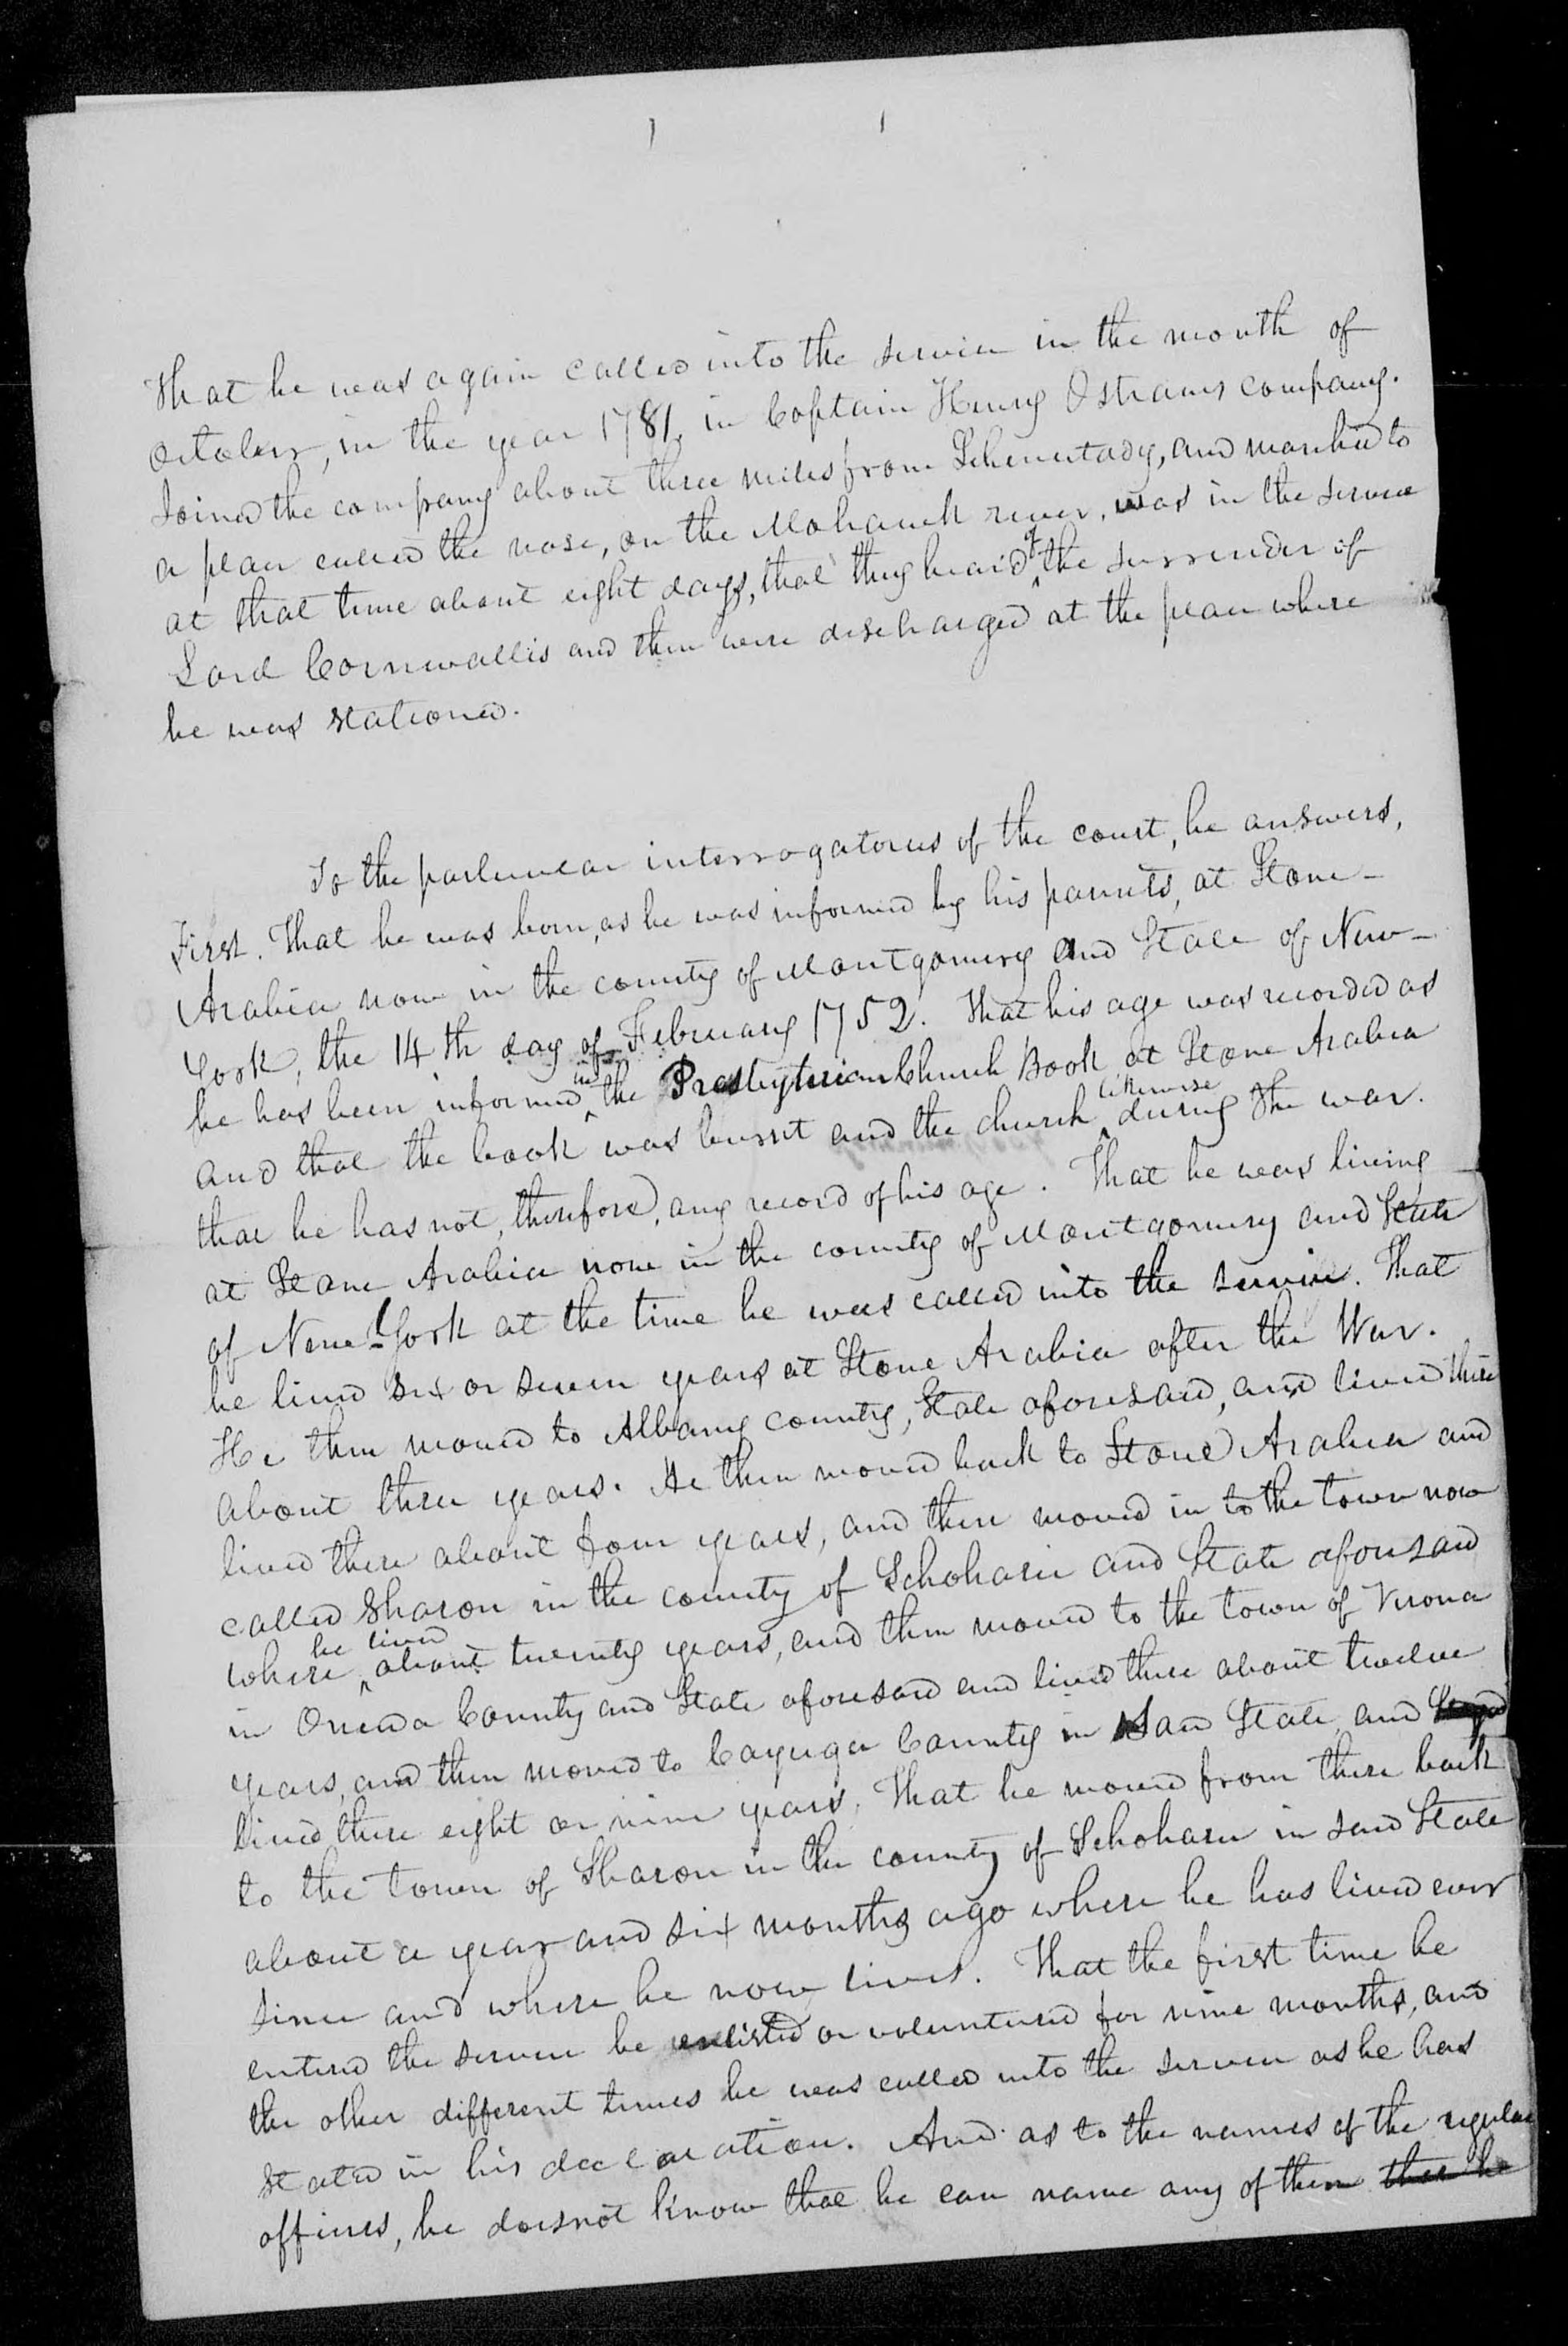That he was again called into the service in the month of October, in the year 1781, Captain Henry Ostrams company. Joined the company about three miles from Schenectady, and marched to a place called the nose, on the Mohawk river, was in the service at that time about eight days, that they heard of the surrender of Lord Cornwallis and then were discharged at the place where he was stationed. 

To the particular interrogatories of the court, he answered.
 First. That he was born, as he was informed by his parents, at Stone Arabia now in the county of Montgomery and State of New York, the 14th day of February 1752. That his age was recorded as he has been informed in the Presbyterian Church Book at Stone Arabia and that the book was burnt and the church likewise during the war. That he has not, therefore, any record of his age. That he was living at Stone Arabia now in the county of Montgomery and State of New York at the time he was called into the service. That he lived six or seven years at Stone Arabia after the War. He then moved to Albany County, State aforesaid, and lived there about three years. He then moved back to Stone Arabi and lived there about four years, and then moved into the town now called Sharon in the county of Schoharie and State aforesaid where he lived about twenty years, and then moved to the town of Verona in Oneida County and State aforesaid and lived there about twelve years, and then moved to Cayuga County in same State and lived there eight or more years. That he moved from there back to the town of Sharon in the county of Schoharie in said State about a year and six months ago where he has lived ever since and where he now lives. That the first time he entered the service he enlisted or volunteered for nine months, and the other different times he was called into the service as he had stated in his declaration. And as to the names of the regular officers, he does not know that he can name any of them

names: Cook, Church Book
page: 7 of 51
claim: survivor's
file: S. 12563, Severinus Cook, New York